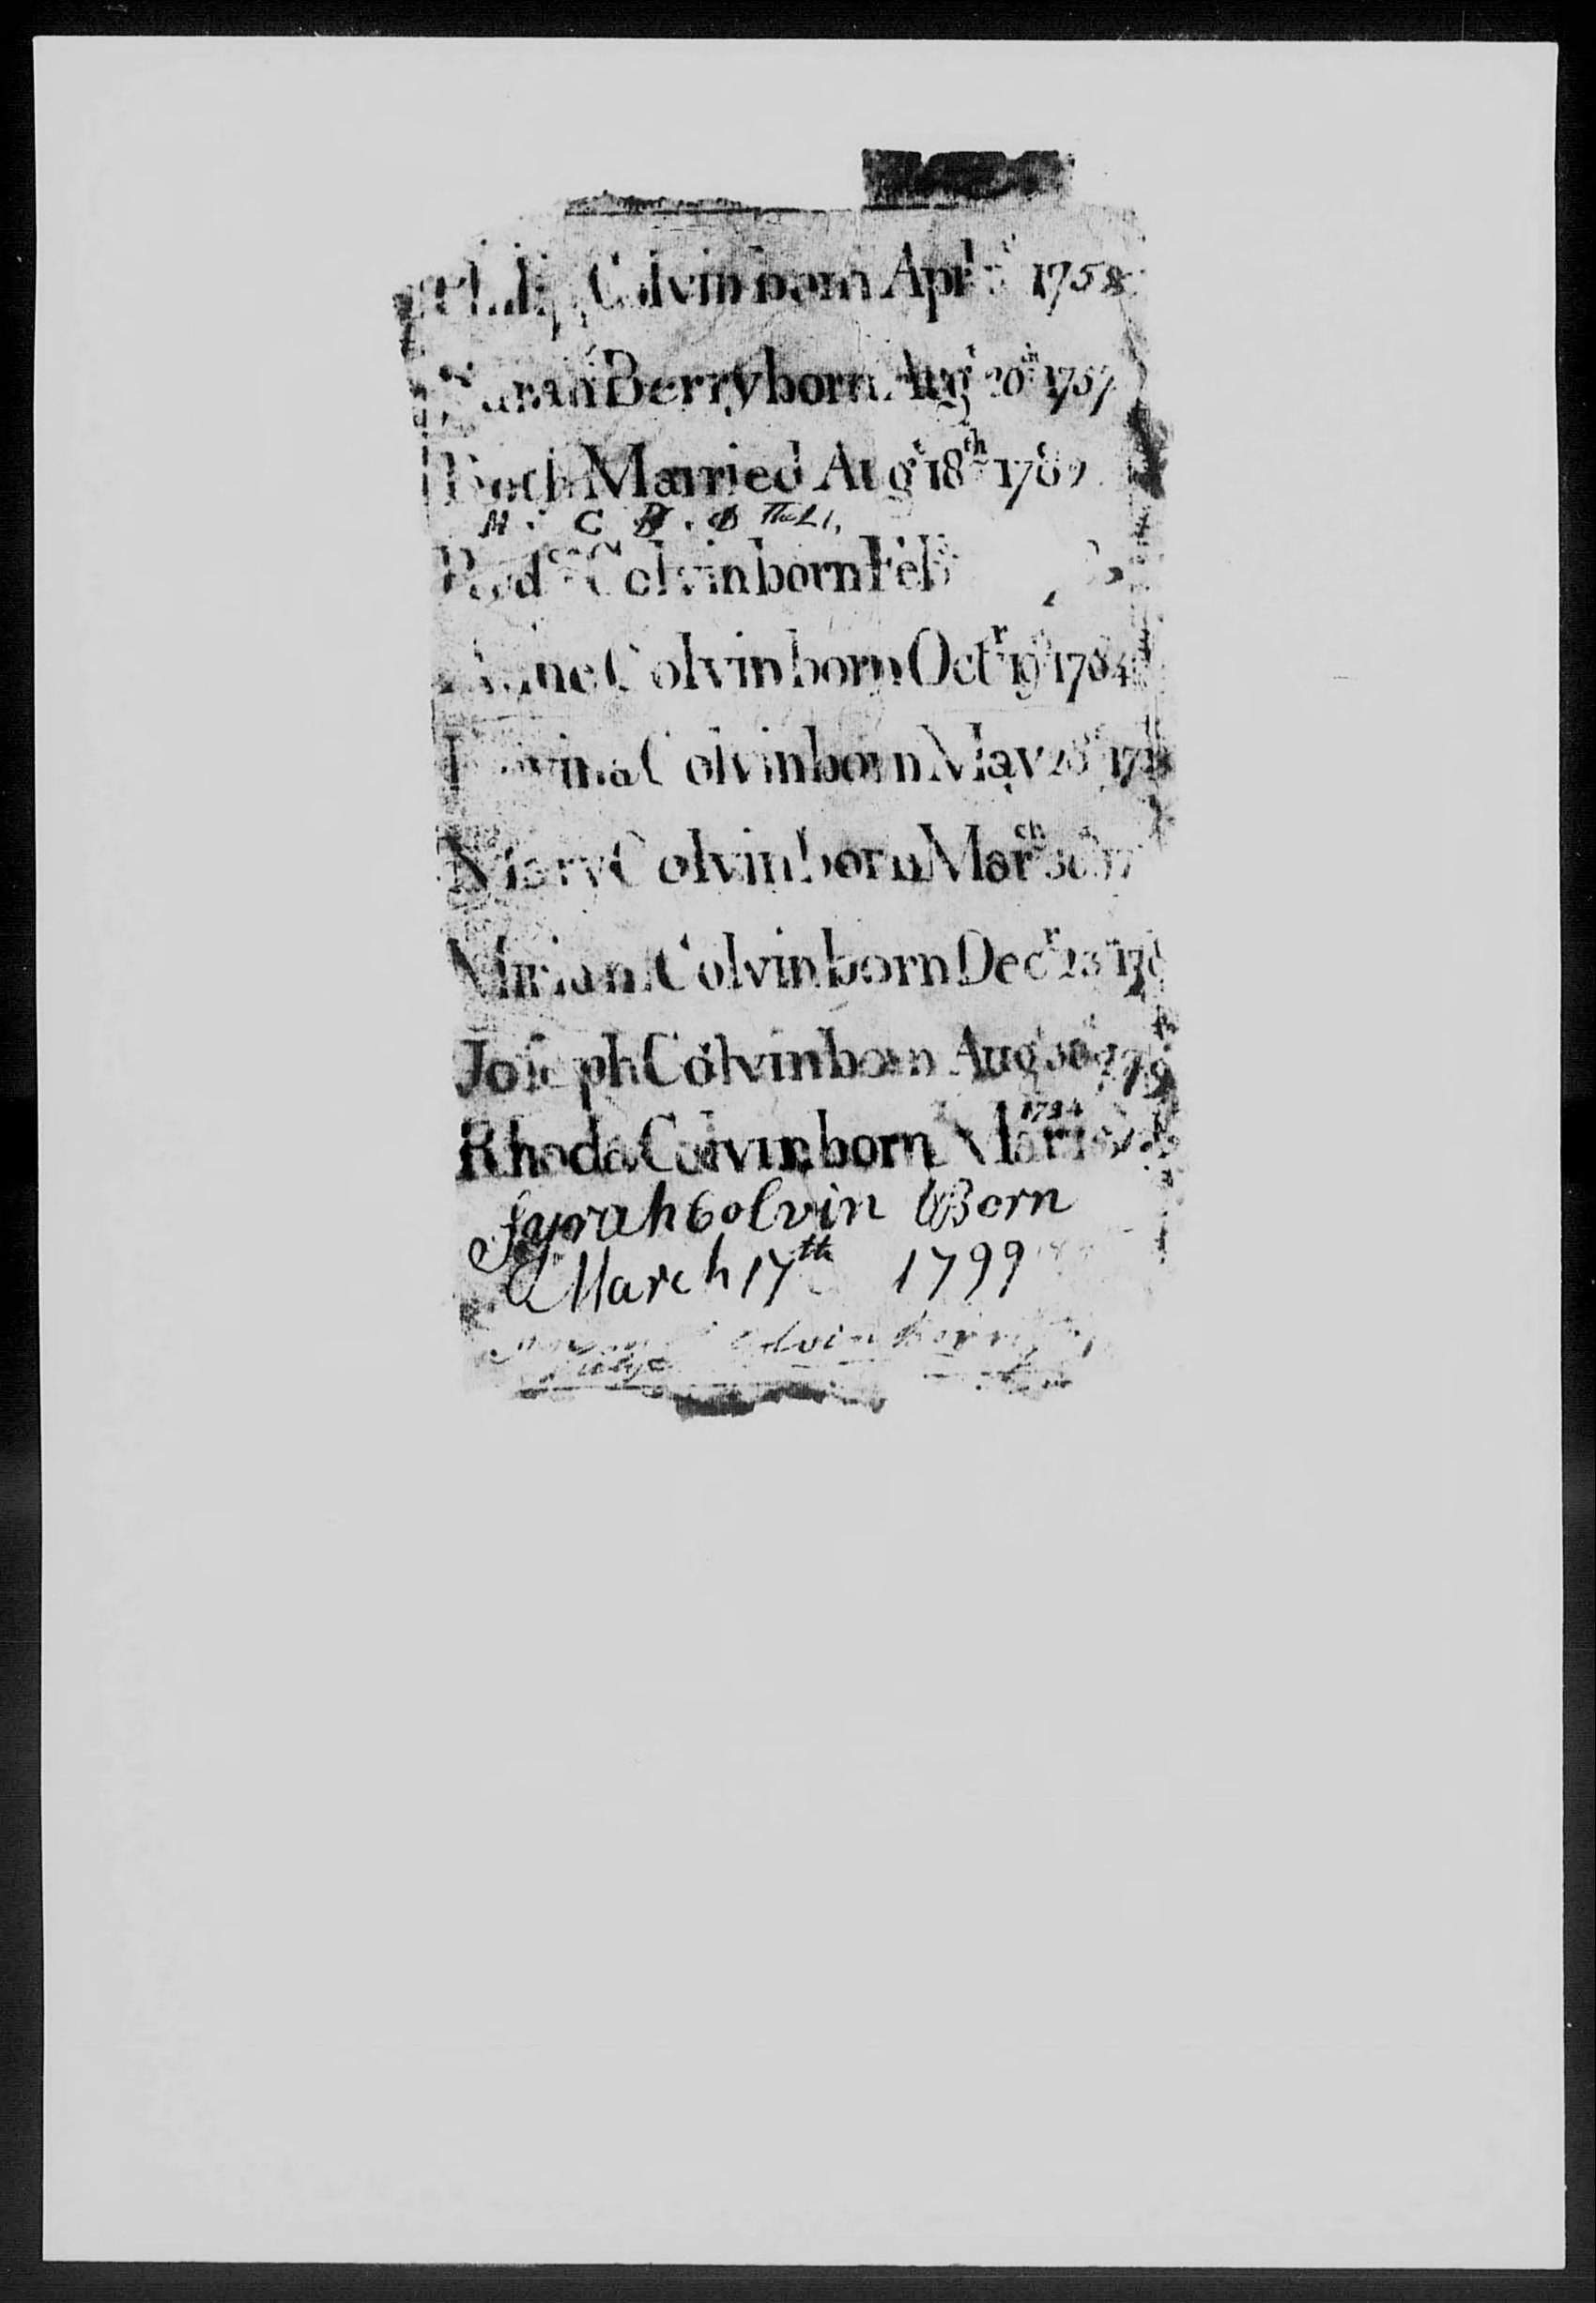Philip Colvin born Apl 1758
Sarah Berry born Aug 20 1757
Both married Aug 18th 1781
[illegible] Colvin born Feb [illegible]
Anne Colvin born Oct 19 1784
Lovina Colvin born May 20 17__
Mary Colvin born Mar 30 [illegible]
Miriam Colvin born Dec 13 [illegible]
Joseph Colvin born Aug 30 179_
Rhoda Colvin born Mar 1794
[illegible] Colvin born March 17 1799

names: Mary Colvin, Lovina Colvin, Miriam Colvin, George Colvin, Philip Colvin, Joseph Colvin, Rhoda Colvin, Anne Colvin, Sarah Berry, Joseph Colvin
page: 10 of 41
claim: widow's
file: W. 3513, Philip Colvin, R.I.